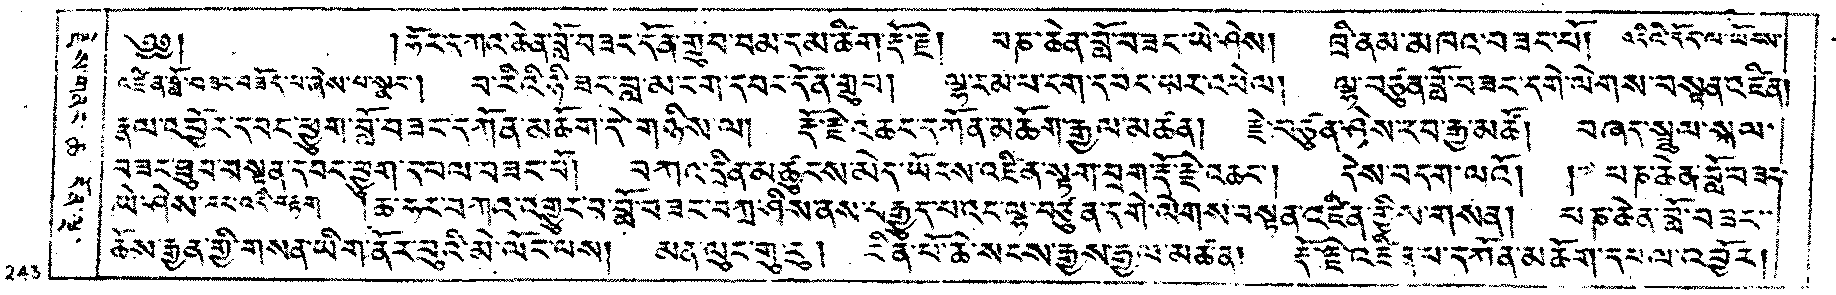༄༅། །ཧོར་དཀའ་ཆེན་བློ་བཟང་དོན་གྲུབ་བམ་དམ་ཚིག་རྡོ་རྗེ། པཎ་ཆེན་བློ་བཟང་ཡེ་ཤེས། ཁྲི་ནམ་མཁའ་བཟང་པོ། འདིའི་དོད་ལ་ཡོངས་
འཛིན་བློ་བཟང་བཟོད་པ་ཞེས་པ་སྣང་། བ་རིའི་ཉི་ཐང་བླ་མ་ངག་དབང་དོན་གྲུབ། ལྷ་རམ་པ་ངག་དབང་ཡར་འཕེལ། ལྷ་བཙུན་བློ་བཟང་དགེ་ལེགས་བསྟན་འཛིན།
རྣལ་འབྱོར་དབང་ཕྱུག་བློ་བཟང་དཀོན་མཆོག་དེ་གཉིས་ལ། རྡོ་རྗེ་འཆང་དཀོན་མཆོག་རྒྱལ་མཚན། རྗེ་བཙུན་ཤེས་རབ་རྒྱ་མཚོ། བཞད་སྤྲུལ་སྐལ་
བཟང་ཐུབ་བསྟན་དབང་ཕྱུག་དཔལ་བཟང་པོ། བཀའ་དྲིན་མཚུངས་མེད་ཡོངས་འཛིན་སྟག་བྲག་རྡོ་རྗེ་འཆང་། དེས་བདག་ལའོ། ། ༈ པཎ་ཆེན་བློ་བཟང་
ཡེ་ཤེས་བར་འདི་བརྟག་།ཆ་ཧར་བཀའ་འགྱུར་བ་བློ་བཟང་བཀྲ་ཤིས་ནས་བརྒྱུད་པ་འང་ལྷ་བཙུན་དགེ་ལེགས་བསྟན་འཛིན་གྱིས་གསན། པཎ་ཆེན་བློ་བཟང་
ཆོས་རྒྱན་གྱི་གསན་ཡིག་ནོར་བུའི་མེ་ལོང་ལས། མན་ལུང་གུ་རུ། རིན་པོ་ཆེ་སངས་རྒྱས་རྒྱལ་མཚན། རྡོ་རྗེ་འཛིན་པ་དཀོན་མཆོག་དཔལ་འབྱོར།